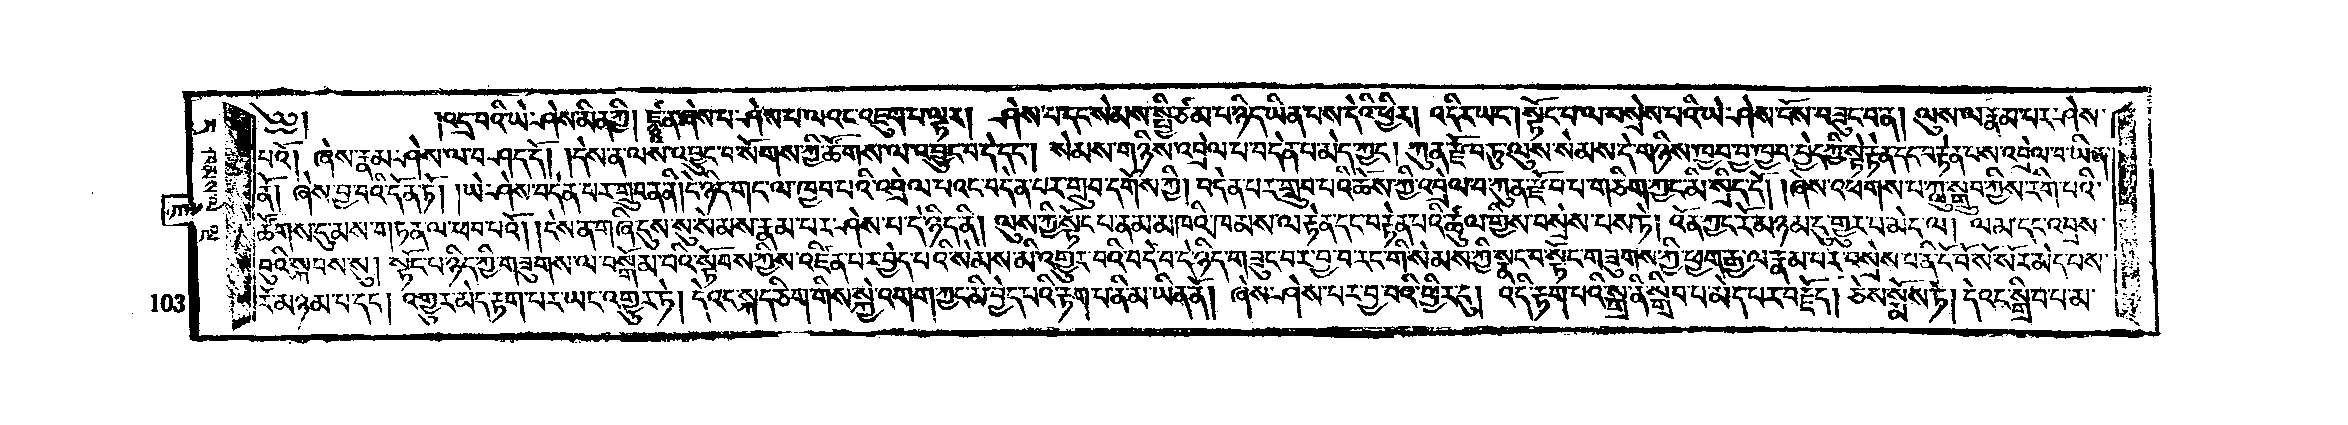༄༅། །འདྲ་བའི་ཡེ་ཤེས་མིན་ཀྱི། ཛྙཱ་ན་ཞེས་པ་ཤེས་པ་ལའང་འཇུག་པ་ལྟར། ཤེས་པ་དང་སེམས་སྤྱི་ཙམ་པ་ཉིད་ཡིན་པས་དེའི་ཕྱིར། འདིར་ཡང་། སྟོང་པ་ལ་བསྲེས་པའི་ཡེ་ཤེས་ངོས་བཟུང་བ་ན། ལུས་ལ་རྣམ་པར་ཤེས་
པའོ། ཞེས་རྣམ་ཤེས་ལ་བཤད་དོ། །དེས་ན་ལས་འབྱུང་བ་སོགས་ཀྱི་ཚོགས་ལ་འབྱུང་བ་དེ་དང་། སེམས་གཉིས་འབྲེལ་པ་བདེན་པ་མེད་ཀྱང་། ཀུན་རྫོབ་ཏུ་ལུས་སེམས་དེ་གཉིས་ཁྱབ་བྱ་ཁྱབ་བྱེད་ཀྱི་སྟེ་རྟེན་དང་བརྟེན་པས་འབྲེལ་བ་ཡིན་
ནོ། ཞེས་བྱ་བའི་དོན་ཏོ། །ཡེ་ཤེས་བདེན་པར་གྲུབ་ན་ནི། དེ་ཉིད་གང་ལ་ཁྱབ་པའི་འབྲེལ་པའང་བདེན་པར་གྲུབ་དགོས་ཀྱི། བདེན་པར་གྲུབ་པའི་ཆོས་ཀྱི་འབྲེལ་བ་ཀུན་རྫོབ་པ་གཅིག་ཀྱང་མི་སྲིད་དོ། །ཞེས་འཕགས་པ་ཀླུ་སྒྲུབ་ཀྱིས་རིག་པའི་
ཚོགས་དུ་མས་གཏན་ལ་ཕབ་པའོ། །ངེས་ན་གཞི་དུས་སུ་སེམས་རྣམ་པར་ཤེས་པ་དེ་ཉིད་ནི། ལུས་ཀྱི་སྟོང་པ་ནམ་མཁའི་ཁམས་ལ་རྟེན་དང་བརྟེན་པའི་ཚུལ་གྱིས་བསྲེས་པས་ཏེ། འོན་ཀྱང་རོ་མཉམ་དུ་གྱུར་བ་མེད་ལ། ལམ་དང་འབྲས་
བུའི་སྐབས་སུ། སྟོང་པ་ཉིད་ཀྱི་གཟུགས་ལ་བསྒོམ་པའི་སྟོབས་ཀྱིས་འཛིན་པར་བྱེད་པའི་སེམས་མི་འགྱུར་བའི་བདེ་བ་དེ་ཉིད་གཟུང་བར་བྱ་བ་རང་གི་སེམས་ཀྱི་སྣང་བ་སྟོང་གཟུགས་ཀྱི་ཕྱག་རྒྱ་ལ་རྣམ་པར་བསྲེས་པ་ནི་ངོ་བོ་སོ་སོར་མེད་པས་
རོ་མཉམ་པ་དང་། འགྱུར་མེད་རྟག་པར་ཡང་འགྱུར་ཏེ། དེའང་སྐད་ཅིག་གིས་སྐྱེ་འགག་ཀྱང་མི་བྱེད་པའི་རྟག་པ་ནི་མ་ཡིན་ནོ། ཞེས་ཤེས་པར་བྱ་བའི་ཕྱིར་དུ། འདི་རྟག་པའི་སྒྲ་ནི་སྒྲིབ་པ་མེད་པར་བརྗོད། ཅེས་སྨོས་ཏེ། དེའང་སྒྲིབ་པ་མ་